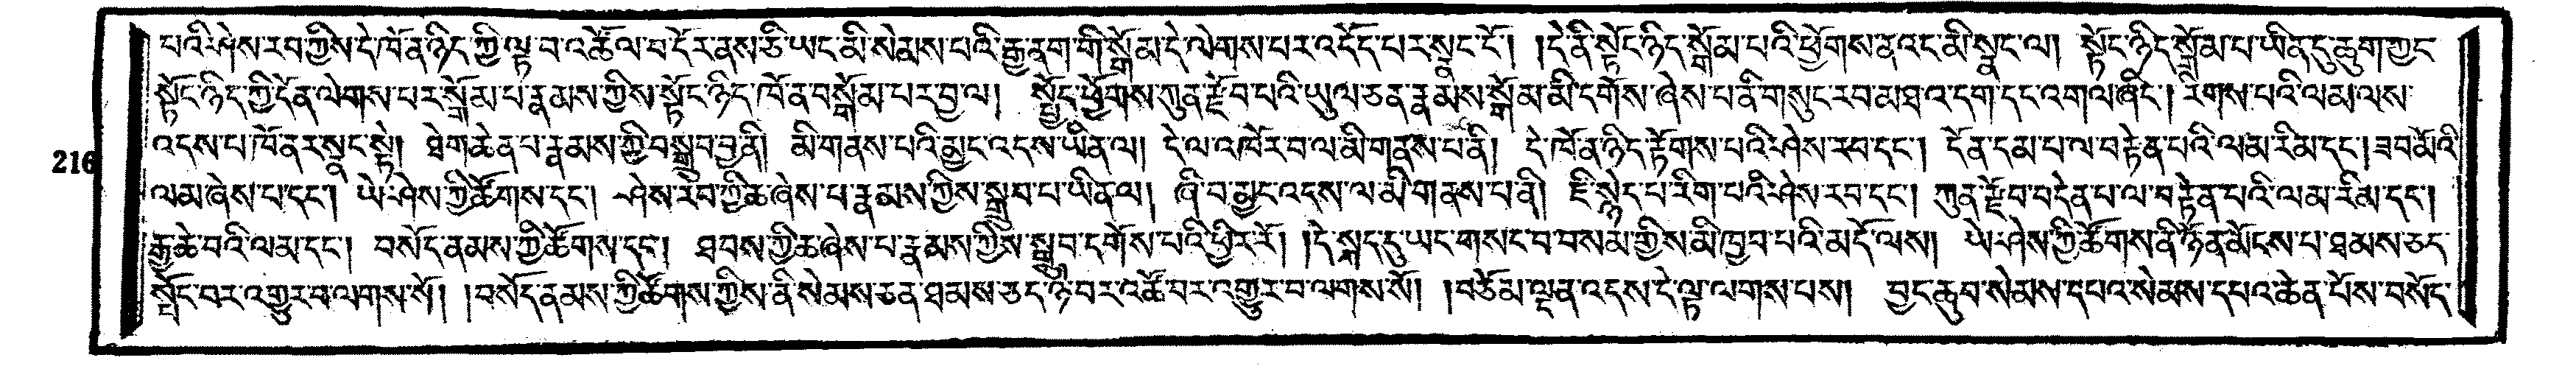པའི་ཤེས་རབ་ཀྱིས་དེ་ཁོ་ན་ཉིད་ཀྱི་ལྟ་བ་འཚོལ་བ་དོར་ནས་ཅི་ཡང་མི་སེམས་པའི་རྒྱ་ནག་གི་སྒོམ་དེ་ལེགས་པར་འདོད་པར་སྣང་ངོ། །དེ་ནི་སྟོང་ཉིད་སྒོམ་པའི་ཕྱོགས་ནའང་མི་སྣང་ལ། སྟོང་ཉིད་སྒོམ་པ་ཡིན་དུ་ཆུག་ཀྱང་
སྟོང་ཉིད་ཀྱི་དོན་ལེགས་པར་སྒོམ་པ་རྣམས་ཀྱིས་སྟོང་ཉིད་ཁོ་ན་སྒོམ་པར་བྱ་ལ། སྤྱོད་ཕྱོགས་ཀུན་རྫོབ་པའི་ཡུལ་ཅན་རྣམས་སྒོམ་མི་དགོས་ཞེས་པ་ནི་གསུང་རབ་མཐའ་དག་དང་འགལ་ཞིང་། རིགས་པའི་ལམ་ལས་
འདས་པ་ཁོ་ནར་སྣང་སྟེ། ཐེག་ཆེན་པ་རྣམས་ཀྱི་བསྒྲུབ་བྱ་ནི། མི་གནས་པའི་མྱང་འདས་ཡིན་ལ། དེ་ལ་འཁོར་བ་ལ་མི་གནས་པ་ནི། དེ་ཁོ་ན་ཉིད་རྟོགས་པའི་ཤེས་རབ་དང་། དོན་དམ་པ་ལ་བརྟེན་པའི་ལམ་རིམ་དང་། ཟབ་མོའི་
ལམ་ཞེས་པ་དང་། ཡེ་ཤེས་ཀྱི་ཚོགས་དང་། ཤེས་རབ་ཀྱི་ཆ་ཞེས་པ་རྣམས་ཀྱིས་སྒྲུབ་པ་ཡིན་ལ། ཞི་བ་མྱང་འདས་ལ་མི་གནས་པ་ནི། ཇི་སྙེད་པ་རིག་པའི་ཤེས་རབ་དང་། ཀུན་རྫོབ་བདེན་པ་ལ་བརྟེན་པའི་ལམ་རིམ་དང་།
རྒྱ་ཆེ་བའི་ལམ་དང་། བསོད་ནམས་ཀྱི་ཚོགས་དང་། ཐབས་ཀྱི་ཆ་ཞེས་པ་རྣམས་ཀྱིས་སྒྲུབ་དགོས་པའི་ཕྱིར་རོ། །དེ་སྐད་དུ་ཡང་གསང་བ་བསམ་གྱིས་མི་ཁྱབ་པའི་མདོ་ལས། ཡེ་ཤེས་ཀྱི་ཚོགས་ནི་ཉོན་མོངས་པ་ཐམས་ཅད་
སྤོང་བར་འགྱུར་བ་ལགས་སོ། །བསོད་ནམས་ཀྱི་ཚོགས་ཀྱིས་ནི་སེམས་ཅན་ཐམས་ཅད་ཉེ་བར་འཚོ་བར་འགྱུར་བ་ལགས་སོ། །བཅོམ་ལྡན་འདས་དེ་ལྟ་ལགས་པས། བྱང་ཆུབ་སེམས་དཔའ་སེམས་དཔའ་ཆེན་པོས་བསོད་